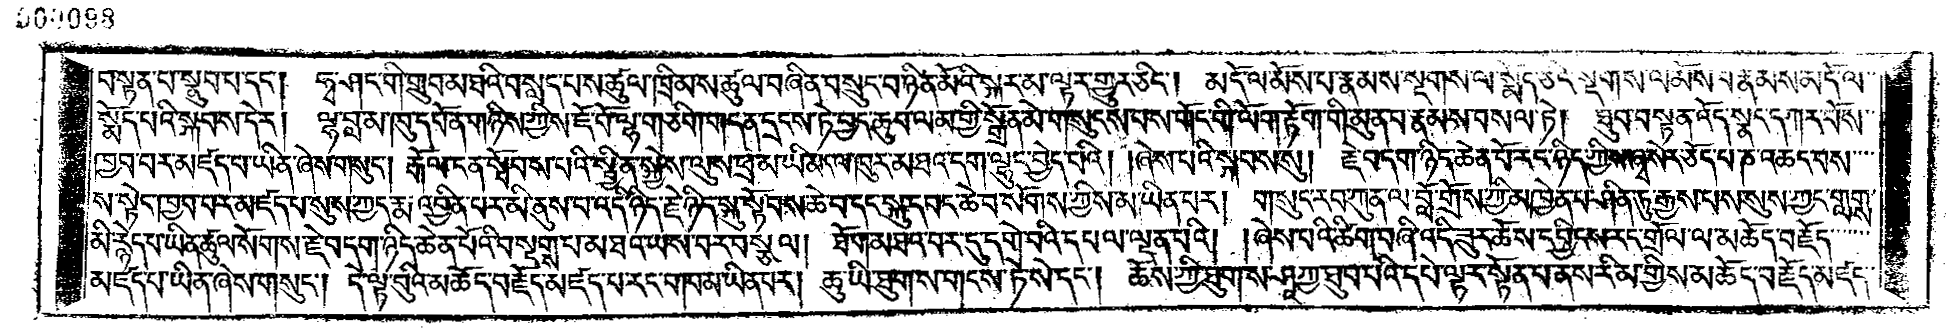བསྟན་པ་སྣུབ་པ་དང་། ཧྭ་ཤང་གི་གྲུབ་མཐའི་བསླད་པས་ཚུལ་ཁྲིམས་ཚུལ་བཞིན་བསྲུང་བ་ཉིན་མོའི་སྐར་མ་ལྟར་གྱུར་ཅིང་། མདོ་ལ་མོས་པ་རྣམས་སྔགས་ལ་སྨོད་ཅིང་སྔགས་ལ་མོས་པ་རྣམས་མདོ་ལ་
སྨོད་པའི་སྐབས་དེར། ལྷ་བླ་མ་ཁུ་དཔོན་གཉིས་ཀྱིས་ཇོ་བོ་ལྷ་གཅིག་གདན་དྲངས་ཏེ་བྱང་ཆུབ་ལམ་གྱི་སྒྲོན་མེ་གསུངས་པས་གོང་གི་ལོག་རྟོག་གི་མུན་པ་རྣམས་བསལ་ཏེ། ཐུབ་བསྟན་འོད་སྣང་དཀར་པོས་
ཁྱབ་པར་མཛད་པ་ཡིན་ཞེས་གསུང་། རྒོལ་ངན་སྤོབས་པའི་སྦྱིན་སྐྱེས་ལུས་ཕྲ་མ་ཡི་མང་ལ་ཁུར་མཐའ་དག་ལྷུང་བྱེད་པའི། །ཞེས་པའི་སྐབས་སུ། རྗེ་བདག་ཉིད་ཆེན་པོ་རང་ཉིད་ཀྱིས་ཞྭ་སེར་ཅོད་པཎ་འཆང་བས་
ས་སྟེང་ཁྱབ་པར་མཛད་པ་སུས་ཀྱང་རྨ་འབྱིན་པར་མི་ནུས་པ་འདི་ཉིད་རྗེ་ཉིད་སྐུ་སྟོབས་ཆེ་བ་དང་སྐུ་དབང་ཆེ་བ་སོགས་ཀྱིས་མ་ཡིན་པར། གསུང་རབ་ཀུན་ལ་བློ་གྲོས་ཀྱི་མཁྱེན་པ་ཤིན་ཏུ་རྒྱས་པས་སུས་ཀྱང་གླགས་
མི་རྙེད་པ་ཡིན་ཚུལ་སོགས་རྗེ་བདག་ཉིད་ཆེན་པོའི་བསྔགས་པ་མཐའ་ཡས་བར་བསྩལ། ཐོག་མཐའ་བར་དུ་དགེ་བའི་དཔལ་ལྡན་པའི། །ཞེས་པའི་ཚིག་བཞི་འདི་ཟུར་ཆོས་དབྱིངས་རང་གྲོལ་ལ་མཆོད་བརྗོད་
མཛད་པ་ཡིན་ཞེས་གསུང་། དེ་ལྟ་བུའི་མཆོད་བརྗོད་མཛད་པ་རང་ག་བ་མ་ཡིན་པར། ཆུ་ཡི་ཐུག་ས་གངས་ཏེ་སེ་དང་། ཆོས་ཀྱི་ཐུག་ས་ཤཱཀྱ་ཐུབ་པའི་དཔེ་ལྟར་སྟོན་པ་ནས་རིམ་གྱིས་མཆོད་བརྗོད་མཛད་